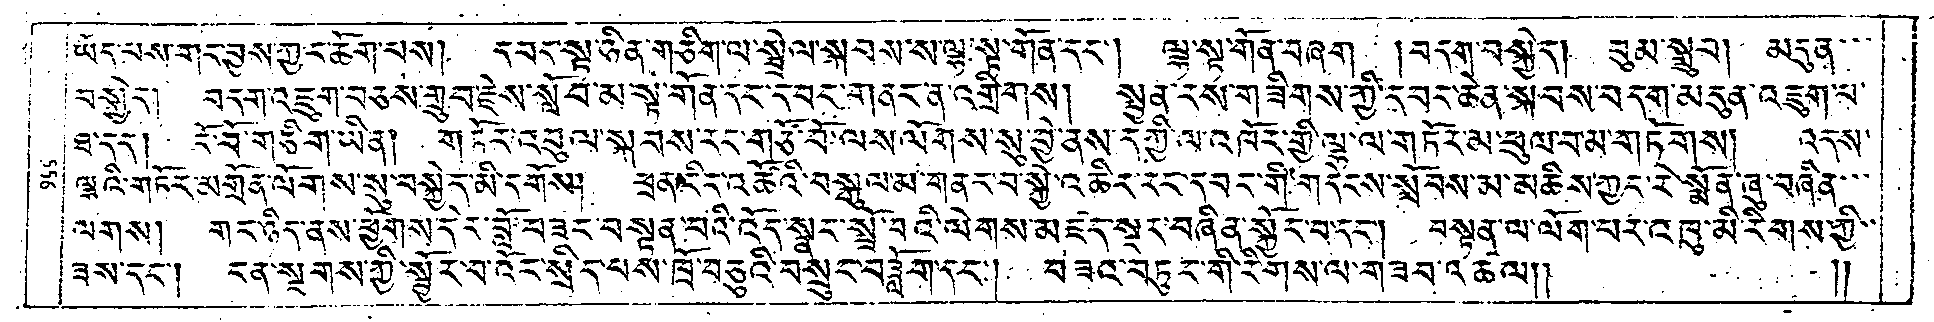ཡོད་པས་གང་བྱས་ཀྱང་ཆོག་པས། དབང་སྟ་ཉིན་གཅིག་ལ་སྦྲེལ་སྐབས་ས་ལྷ་སྟ་གོན་དང་། ལྷ་སྟ་གོན་བཞག །བདག་བསྐྱེད། བུམ་སྒྲུབ། མདུན་
བསྐྱེད། བདག་འཇུག་བཅས་གྲུབ་རྗེས་སློབ་མ་སྟ་གོན་དང་དབང་གནང་ན་འགྲིགས། སྤྱན་རས་གཟིགས་ཀྱི་དབང་ཆེན་སྐབས་བདག་མདུན་འཇུག་པ་
ཐ་དད། ངོ་བོ་གཅིག་ཡིན། གཏོར་འབུལ་སྐབས་རང་གཙོ་བོ་ལས་ལོགས་སུ་བྱེ་ནས་དཀྱིལ་འཁོར་གྱི་ལྷ་ལ་གཏོར་མ་ཕུལ་བ་མ་གཏོགས། འདས་ལྷའི་གཏོར་མགྲོན་ལོགས་སུ་བསྐྱེད་མི་དགོས། ཕྲན་རིང་འཚོའི་བསྐུལ་མ་གནང་བ་སྐྱེ་འཆིར་རང་དབང་གི་གདེངས་སྤོབས་མ་མཆིས་ཀྱང་རེ་སྨོན་ཞུ་བཞིན་
ལགས། གང་ཉིད་ནས་ཕྱོགས་དེར་བློ་བཟང་བསྟན་པའི་འོད་སྣང་སྤྲོ་བའི་ལེགས་མཛད་སྔར་བཞིན་སྐྱོང་བ་དང་། བསྟན་ལ་ལོག་པར་འཁུ་མི་རིགས་ཀྱི་
ཟས་དང་། ངན་སྔགས་ཀྱི་སྦྱོར་བ་འོང་སྲིད་པས་ཁྲོ་བཅུའི་བསྲུང་བཟློག་དང་། བཟའ་བཏུང་གི་རིགས་ལ་གཟབ་འཚལ།། །།